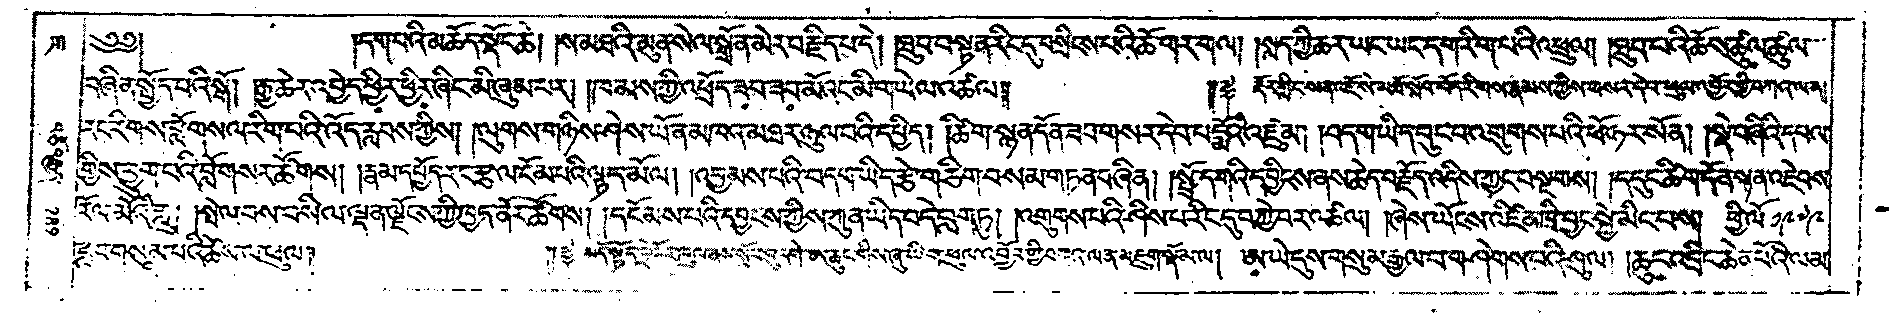༄༅། །དག་པའི་མཆོད་སྡོང་ཆེ། །ས་མཐའི་མུན་སེལ་སྒྲོན་མེར་བརྗིད་པ་དེ། །ཐུབ་བསྟན་རིང་དུ་བསྲིངས་པའི་ཆོ་གར་གལ། །སླད་ཀྱི་ཆར་ཡང྾་ཡང྾་དག་རིག་པའི་འཕྲུལ། །ཐུབ་པའི་ཆོས་ཚུལ྾་ཚུལ྾་
བཞིན་སྤྱོད་པའི་སྒོ། །རྒྱ་ཆེར་འབྱེད་ཕྱིར྾་ཕྱིར྾་ཞིང་མི་ཞུམ་པར། །ཁམས་ཀྱི་འཕྲོད་ཟབ྾་ཟབ྾་མོའང་མི་གཡེལ་འཚལ།། །། ༈ རྡོར་གླིང་སན་འཇོ་སེ་མཐོ་སློབ་བོད་རིགས་རྣམས་ཀྱིས་གསར་དེབ་ཕུལ་འབྱོར་གྱི་བཀའ་ལན།
རང་རིགས་བློ་གསལ་རིག་པའི་འོད་རླབས་ཀྱིས། །ལུགས་གཉིས་ཤེས་ཡོན་མཁའ་མཐར་ཉུལ་བའི་དཔྱིད། །ཚིག་སྙན་དོན་ཟབ་གསར་དེབ་པདམོའི་འཛུམ། །བདག་ཡིད་བུང་བ་འགུགས་པའི་ཕོ་ཉར་སོན། །སྡེ་བཞིའི་དཔལ་
གྱིས་ཕྱུག་པའི་བློ་གསར་ཚོགས། །རྣམ་དཔྱོད་རང་རྩལ་ངོམ་པའི་ལྟད་མོ་ལ། །འབྱམས་པའི་བདག་ཡིད་རྩེ་གཅིག་བསམ་གཏན་བཞིན། །སྤྲོ་དགའི་དབྱིངས་ནས་ཆེད་བརྗོད་འདིས་ཀྱང་བསྔགས། །ད་དུང་ཚིག་དོན་སྙན་འཇེབས་
རོལ་མོའི་གླུ། །སྤེལ་བས་བསིལ་ལྡན་ལྗོངས་ཀྱི་ཁྱད་ནོར་ཚོགས། །དངོམས་པའི་དབྱངས་ཀྱིས་ཀུན་ཡིད་བདེ་བླག་ཏུ། །འགུགས་པའི་ཤིས་པ་རིང་དུ་བཀྱེ་བར་འཚལ། །ཞེས་ཡོངས་འཛིན་ཁྲི་བྱང་སྐྱེ་མིང་པས། ཕྱི་ལོ ༡༩༧༩
ཟླ་བ་གསུམ་པའི་ཚེས་ལ་ཕུལ།། །། ༈ མདོ་སྟོད་ཏྲེ་ཧོར་ཁུལ་ནས་སློབ་བུ་དགེ་ཨ་ཆུང་གིས་ཞུ་ཡིག་ཕུལ་འབྱོར་གྱི་བཀའ་ལན་མཇུག་སྡོམ་ལ།  ཨ྾་ཡེ་དུས་གསུམ་རྒྱལ་བ་གཤེགས་པའི་ཤུལ། །ཆུང྾་འབྲིང་ཆེན་པོའི་ལམ་